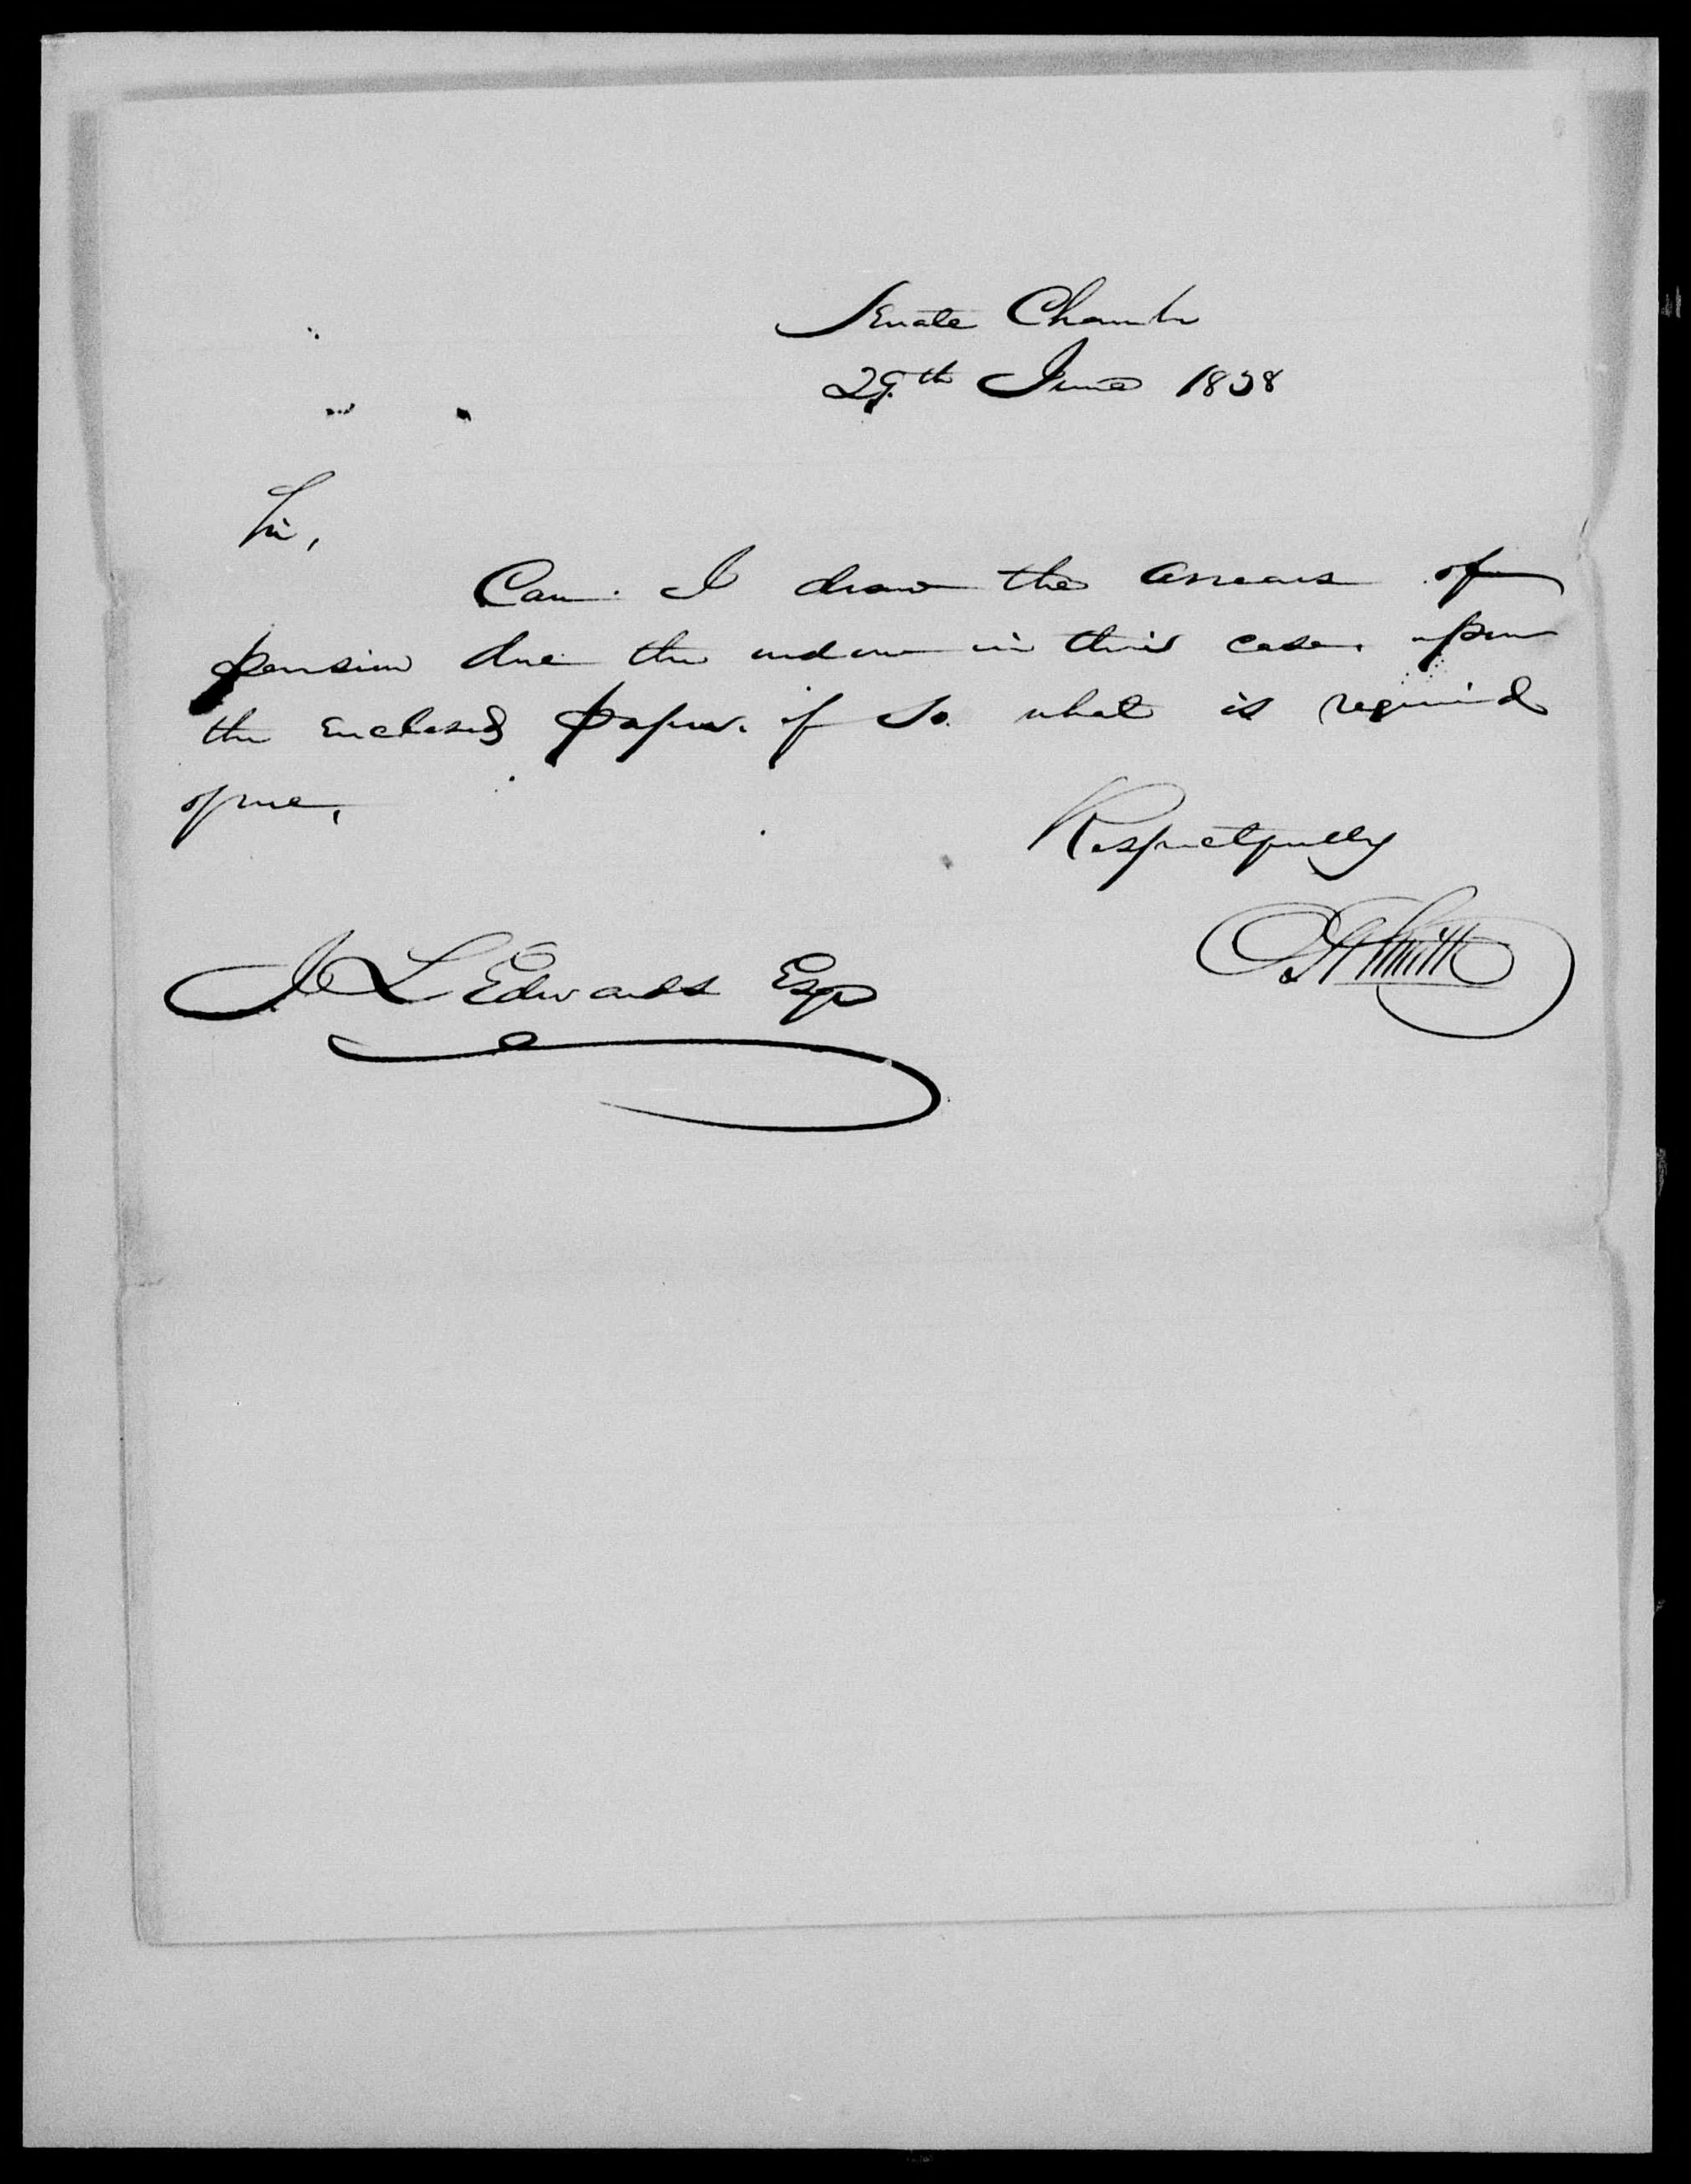Senate Chamber
29th June 1838
L,
Can I draw the arrears of pension due the under in this case per the enclosed papers. If so what is required of me
Respectfully,
OH Smith
JL Edwards Esq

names: J L Edwards; O H Smith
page: 16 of 21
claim: survivor's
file: S. 32453, for William Polen, Virginia